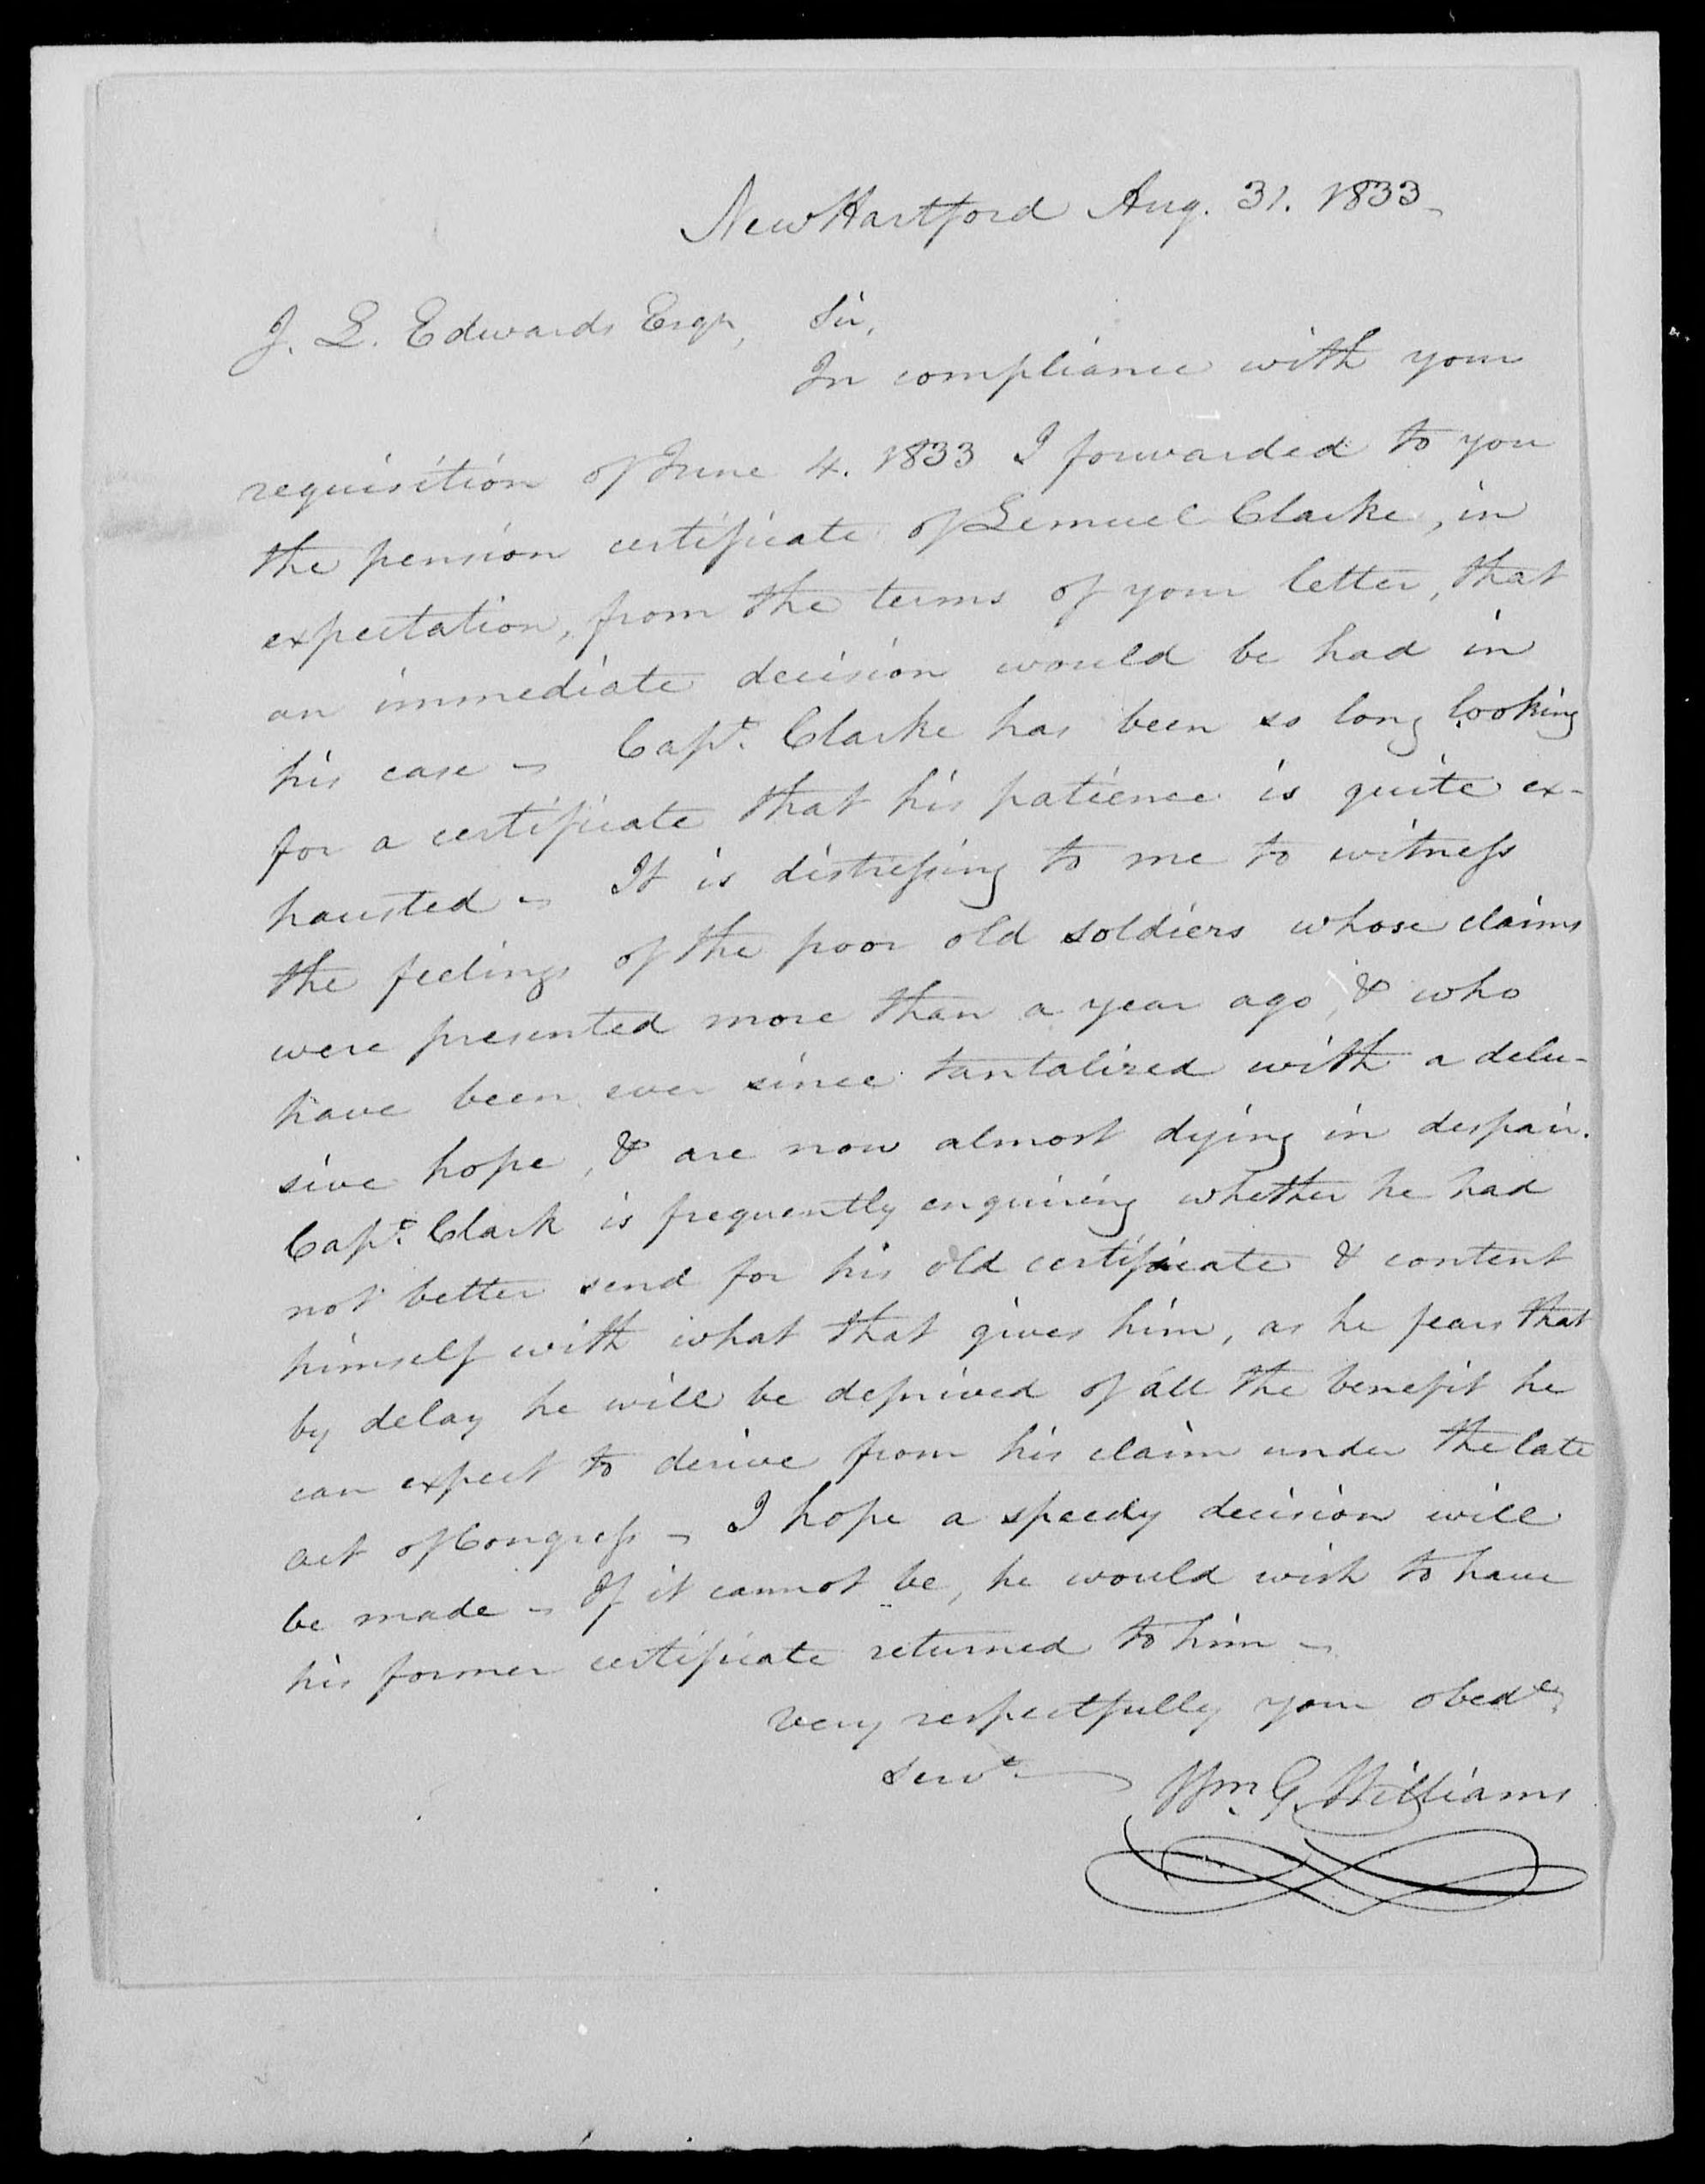New Hartford Aug. 31. 1833 
J.L. Edwards Esqr 
Sir 
In compliance with your requisition of June 4, 1833 I forwarded to you the pension certificate of Lemuel Clarke, in expectation, from the terms of your letter that an immediate decision would be had in his case- Capt Clarke has been so long looking for a certificate that his patience is quite exhausted  It is distressing to me to witness the  feelings of the poor old soldiers whose claims were presented more than a year ago & who have been ever since tantalized with a delusive hope, & are now almost dying in despair. Capt Clark is frequently enquiring whether he had not better send for his old certificate & content himself with what that gives him, as he fears that by delay he will be deprived of all the benefit he can expect to derive from his claim under the late act of Congress-- I hope a speedy decision will be made-- If it cannot be, he would wish to have his former certificate returned to him

very respectfully your obedt Servt
Wm G. Williams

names: Wm G Williams, Clarke, Clark, J L Edwards, Lemuel Clarke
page: 20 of 48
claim: survivor's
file: S. 17343, Lemuel Clarke, Mass.